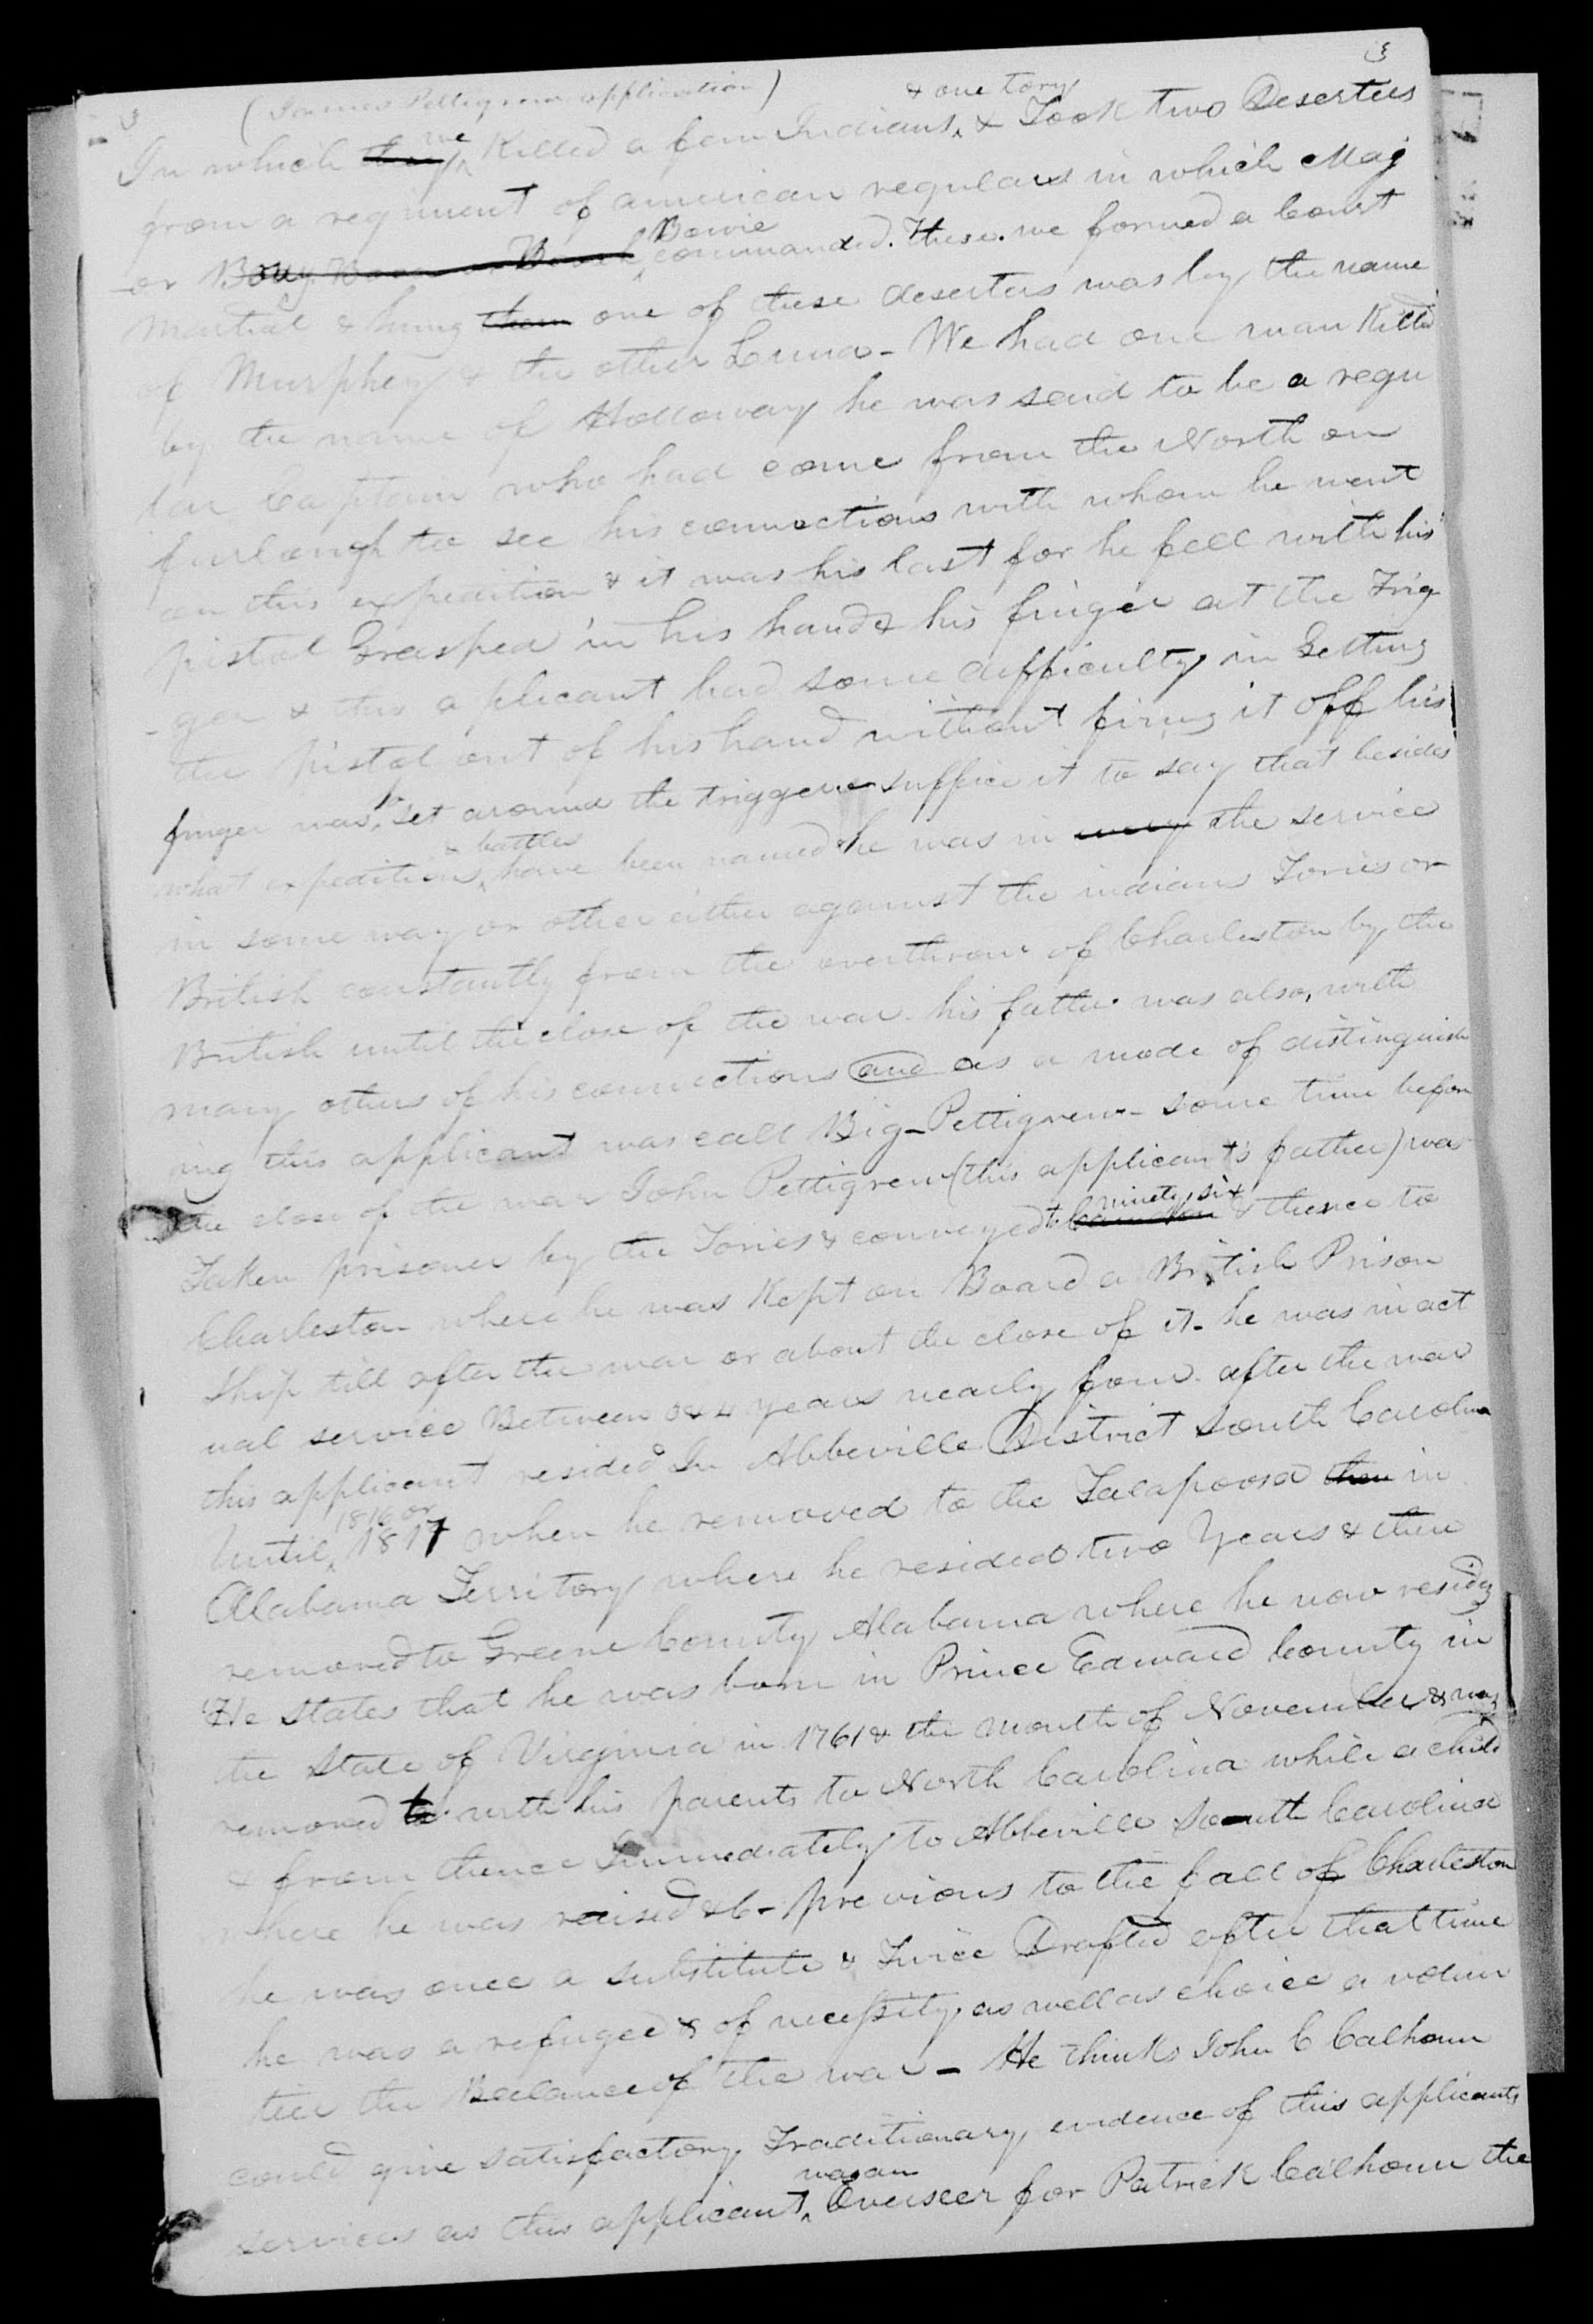(James Pettigrew application)
In which ["though" crossed off]^we killed a few Indians^ & one Tory [Torie] & Took two Deserters from a regiment of american regulars in which Major [illegible]^Bonnie  commanded. These. we forwarded a court martial & hung ["them" crossed off] one of these deserters  was by the name of Murphy & the other Luna-We had one man killed byt the name of [illegilbe] very he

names: [BLANK] Barvie; James Pettigrew; Patrick Calhoun; John C Calhoun; [BLANK] Pettigrew; John Pettigrew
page: 21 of 92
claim: widow's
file: W. 5522, for James Pettigrew, South Carolina